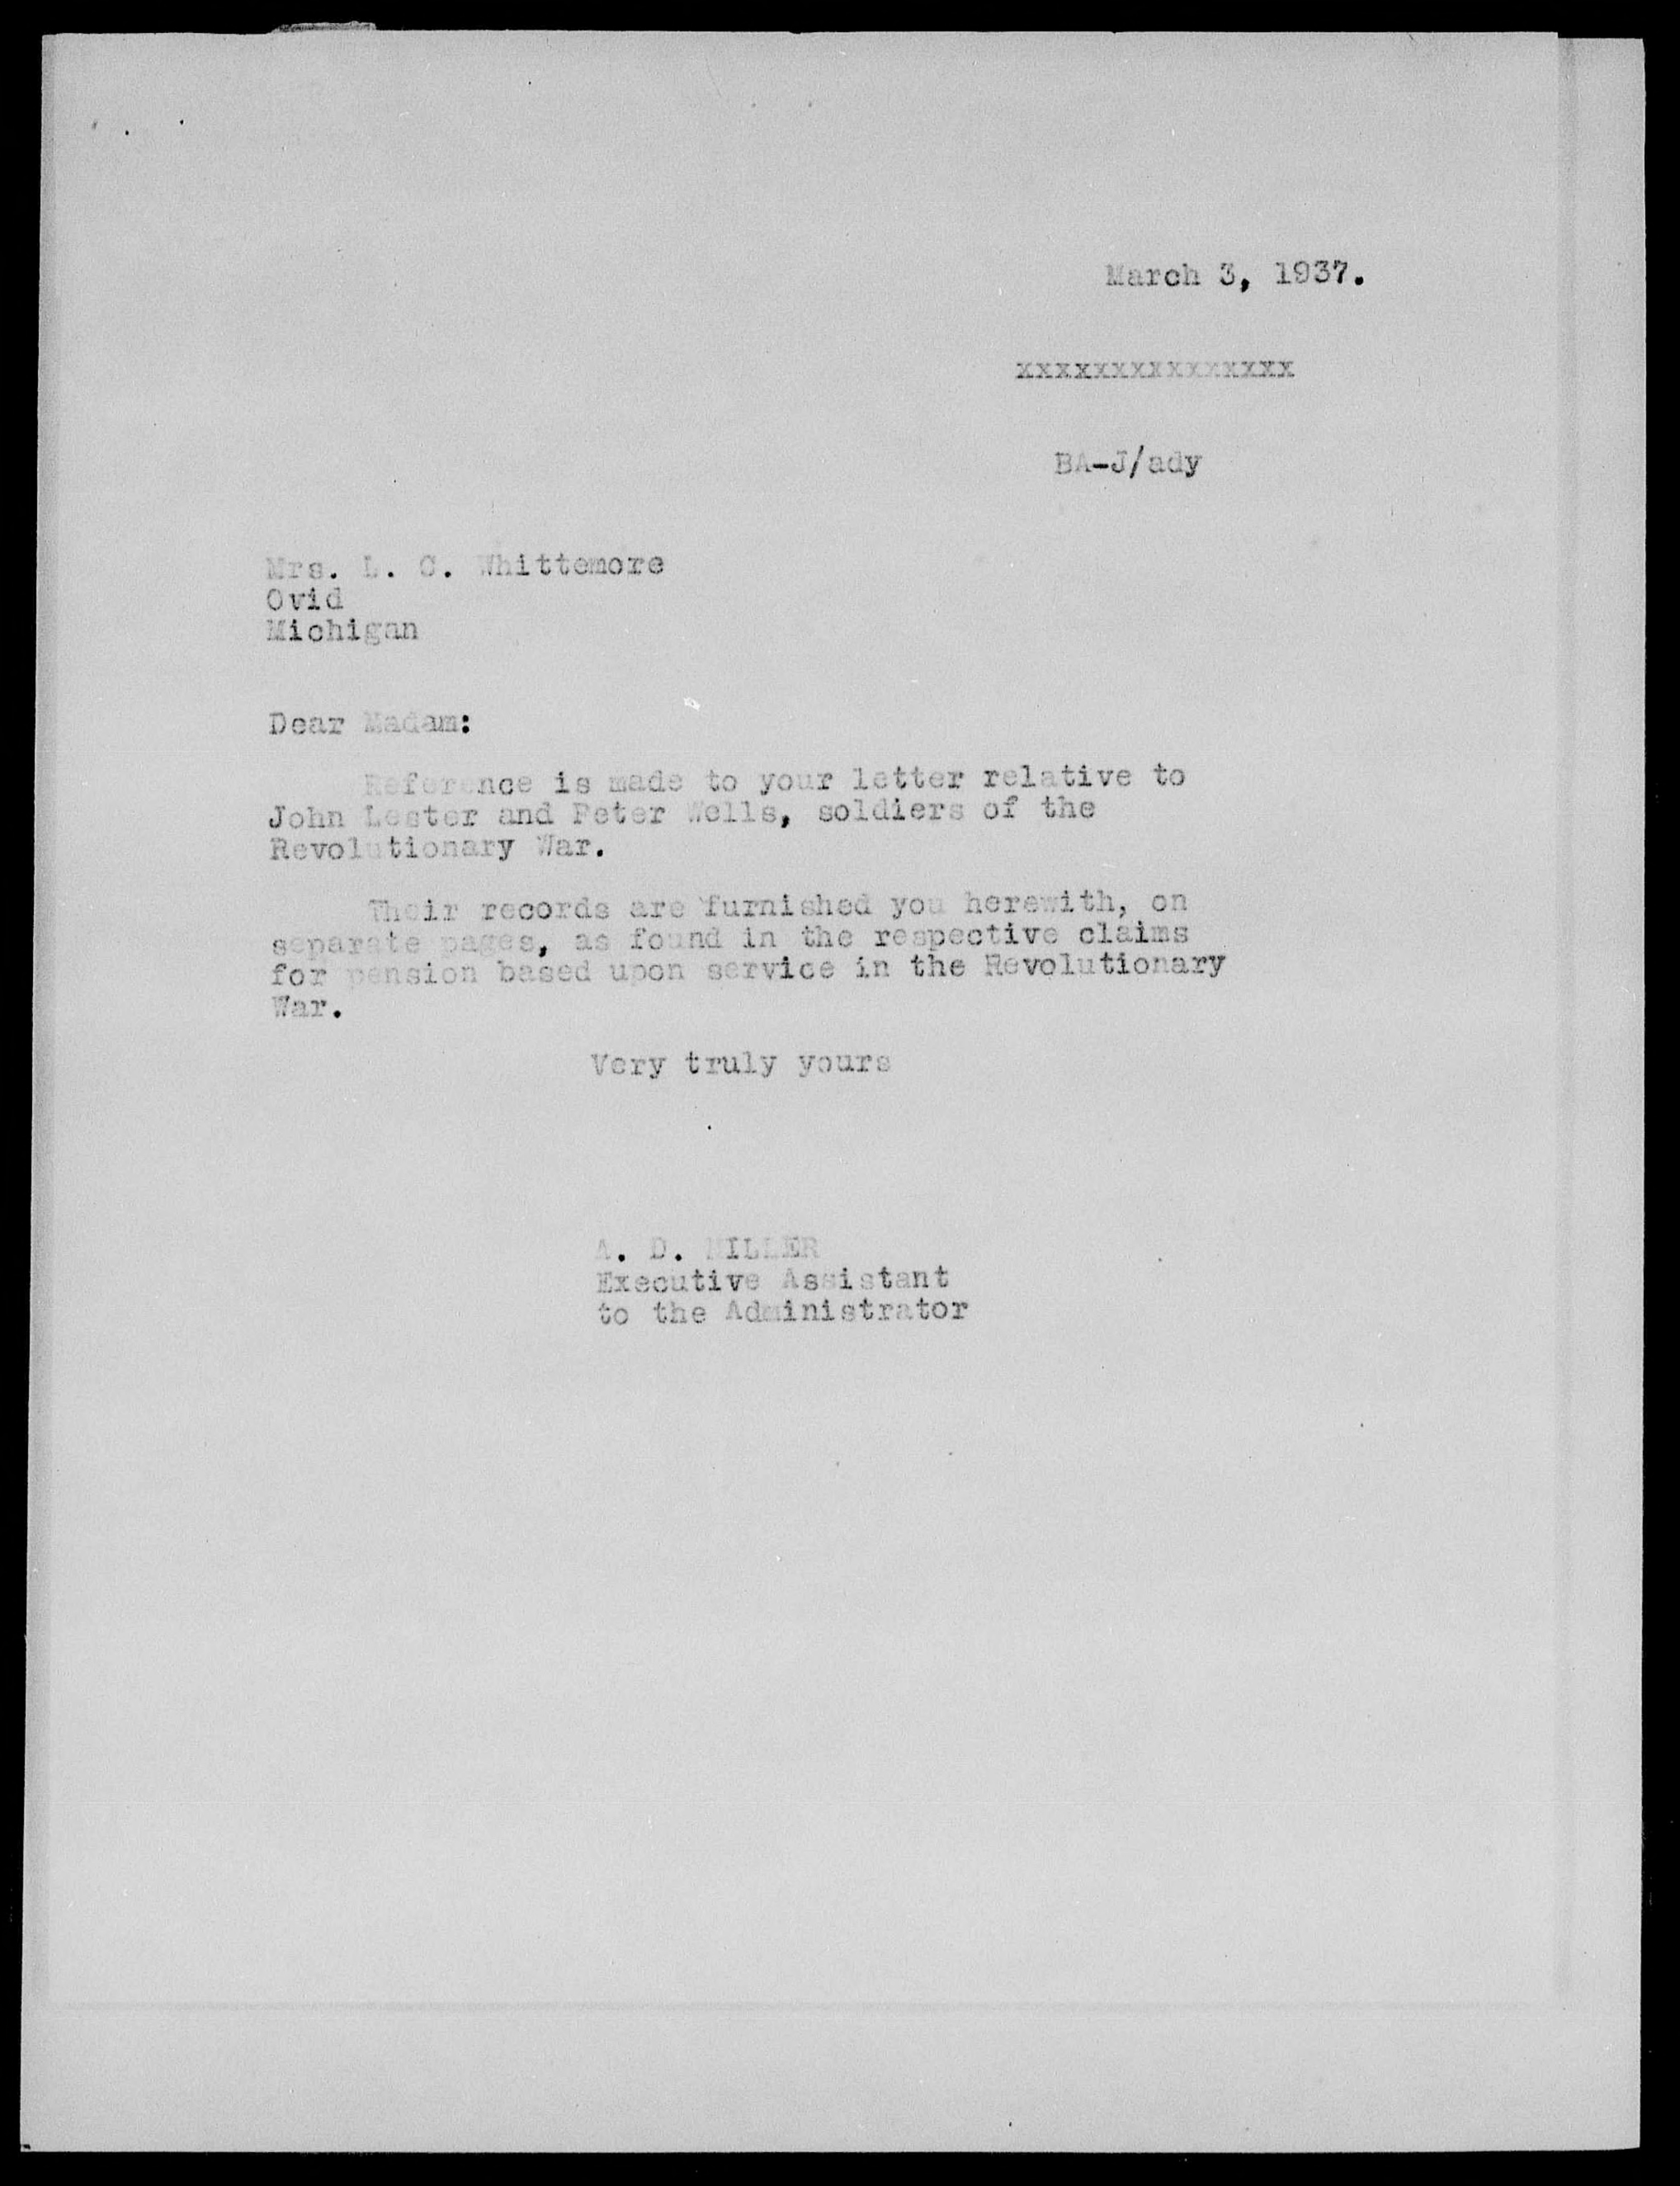March 3, 1937. 
XXXXXXXXXXXXXXX 
BA-J/ady 
Mrs. L. C. Whittemore 
Ovid 
Michigan 
Dear Madam: 
Reference is made to your letter relative to John Lester and Peter Wells, soldiers of the Revolutionary War. 
Their records are furnished you herewith, on separate pages, as found in the respective claims for pension based upon service in the Revolutionary War. 
Very truly yours 
A. D. HILLER 
Executive Assistant to the Administrator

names: L C Whittemore; John Lester; Peter Wells; A D Hiller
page: 14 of 14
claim: survivor's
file: S. 42844, for John Lester, New York